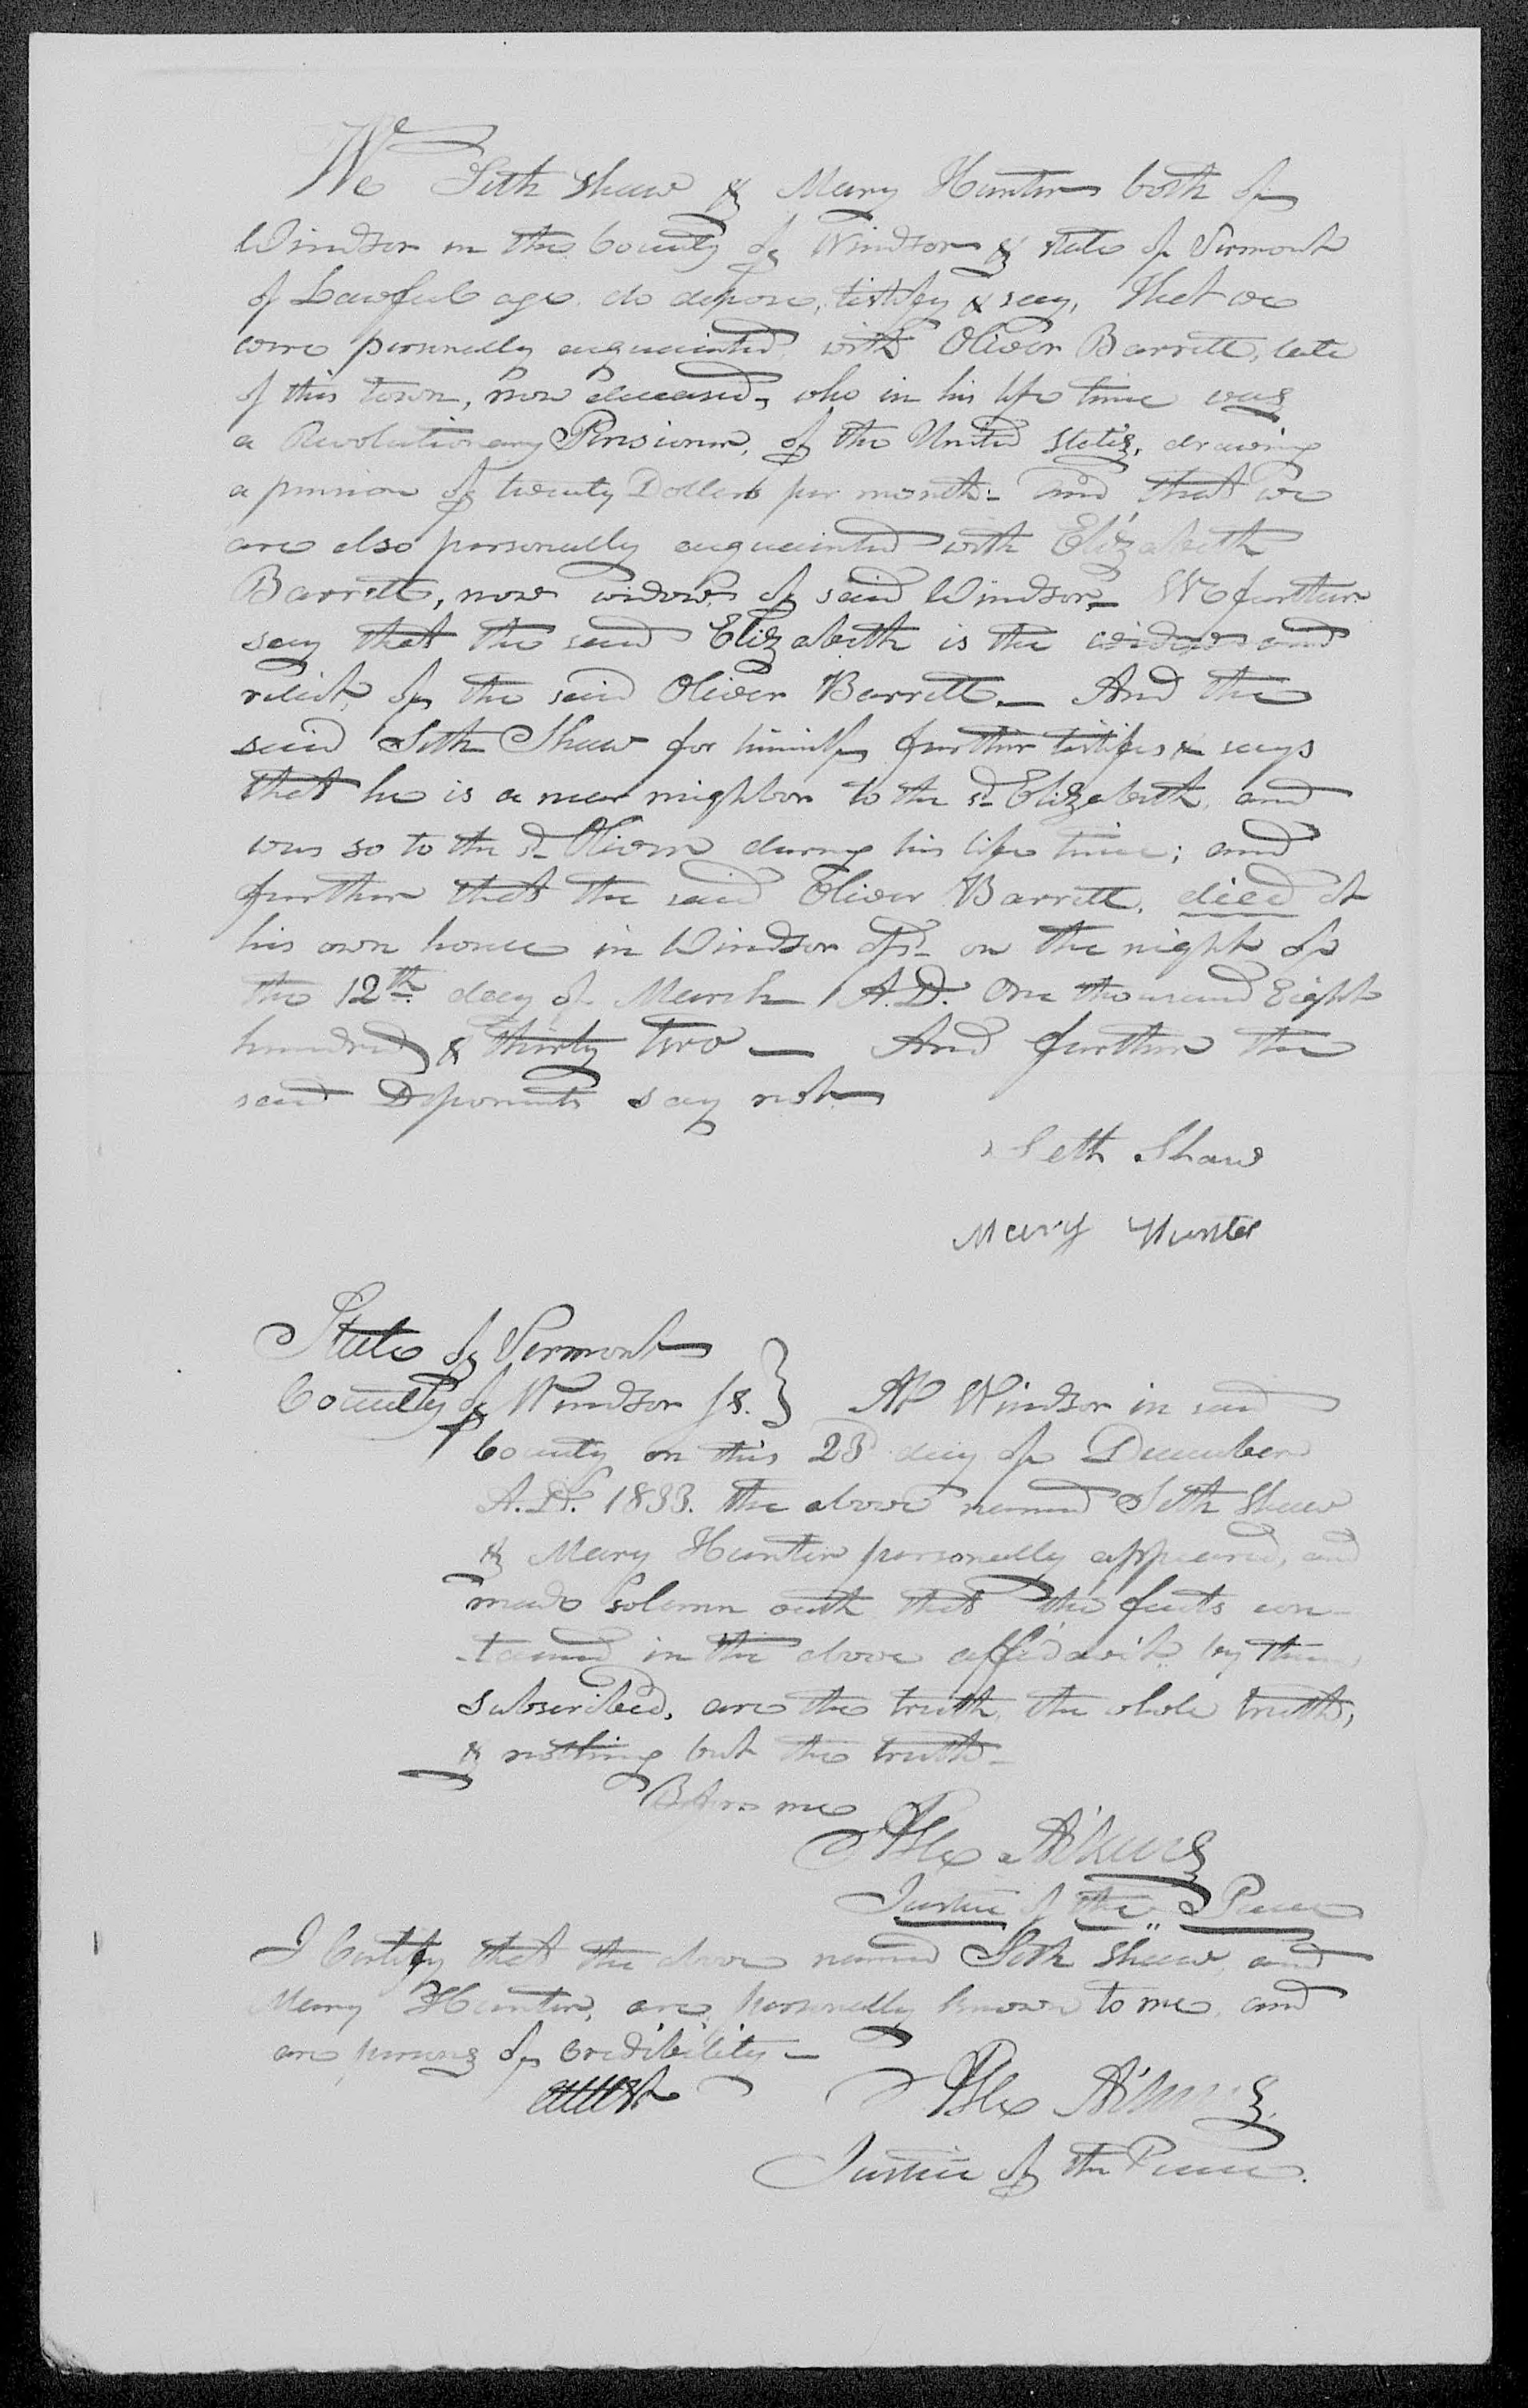We Seth Shaw and Mary Hunter both of Windsor in the County of Windsor and State of Vermont of lawful age, do depose, testify and say that we are personally acquainted with Oliver Barrett, late of this town, now deceased, who in his lifetime was a Revolutionary Pensioner of the United States, drawing a pension of twenty dollars per month and that we are also personally acquainted with Elizabeth Barrett now widow of said Windsor. We further say that the said Elizabeth is the widow and relief of the said Oliver Barrett. And the said Seth Shaw for himself further testifies and says that he is a near neighbor to the sd Elizabeth and was so to the sd Oliver during his life time; and further that the said Oliver died at his own home in Windsor on the night of the 12th day of March A.D. one thousand eight hundred and thirty two. And further the said deponent say not. 
Seth Shaw
Mary Hunter 

State of Vermont
County of Windsor ss} At Windsor in said County on this 23 day of December A.D. 1833 the above named Seth Shaw and Mary Hunter personally appeared and made solemn oath that the facts on record in the above affidavit by them subscribed are the truth the whole truth and nothing but the truth. 
Before me
Asa Aikens
Justice of the Peace

I Certify that the above named Seth Shaw and Mary Hunter are personally known to me and are known of credibility. 
Asa Aikens
Justice of the Peace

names: Elizabeth, Elizabeth, Seth Shaw, Oliver Barrett, Seth Shaw, Alex Aikens, Seth Shaw, Oliver Barrett, Elizabeth Barrett, Alex Aikens, Mary Hunter, Oliver Barrett, Mary Hunter, Seth Shaw, Seth Shaw, Mary Hunter, Mary Hunter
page: 55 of 83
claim: widow's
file: W. 10,384, Oliver Barrett, Continental (Vt.) N.Y.